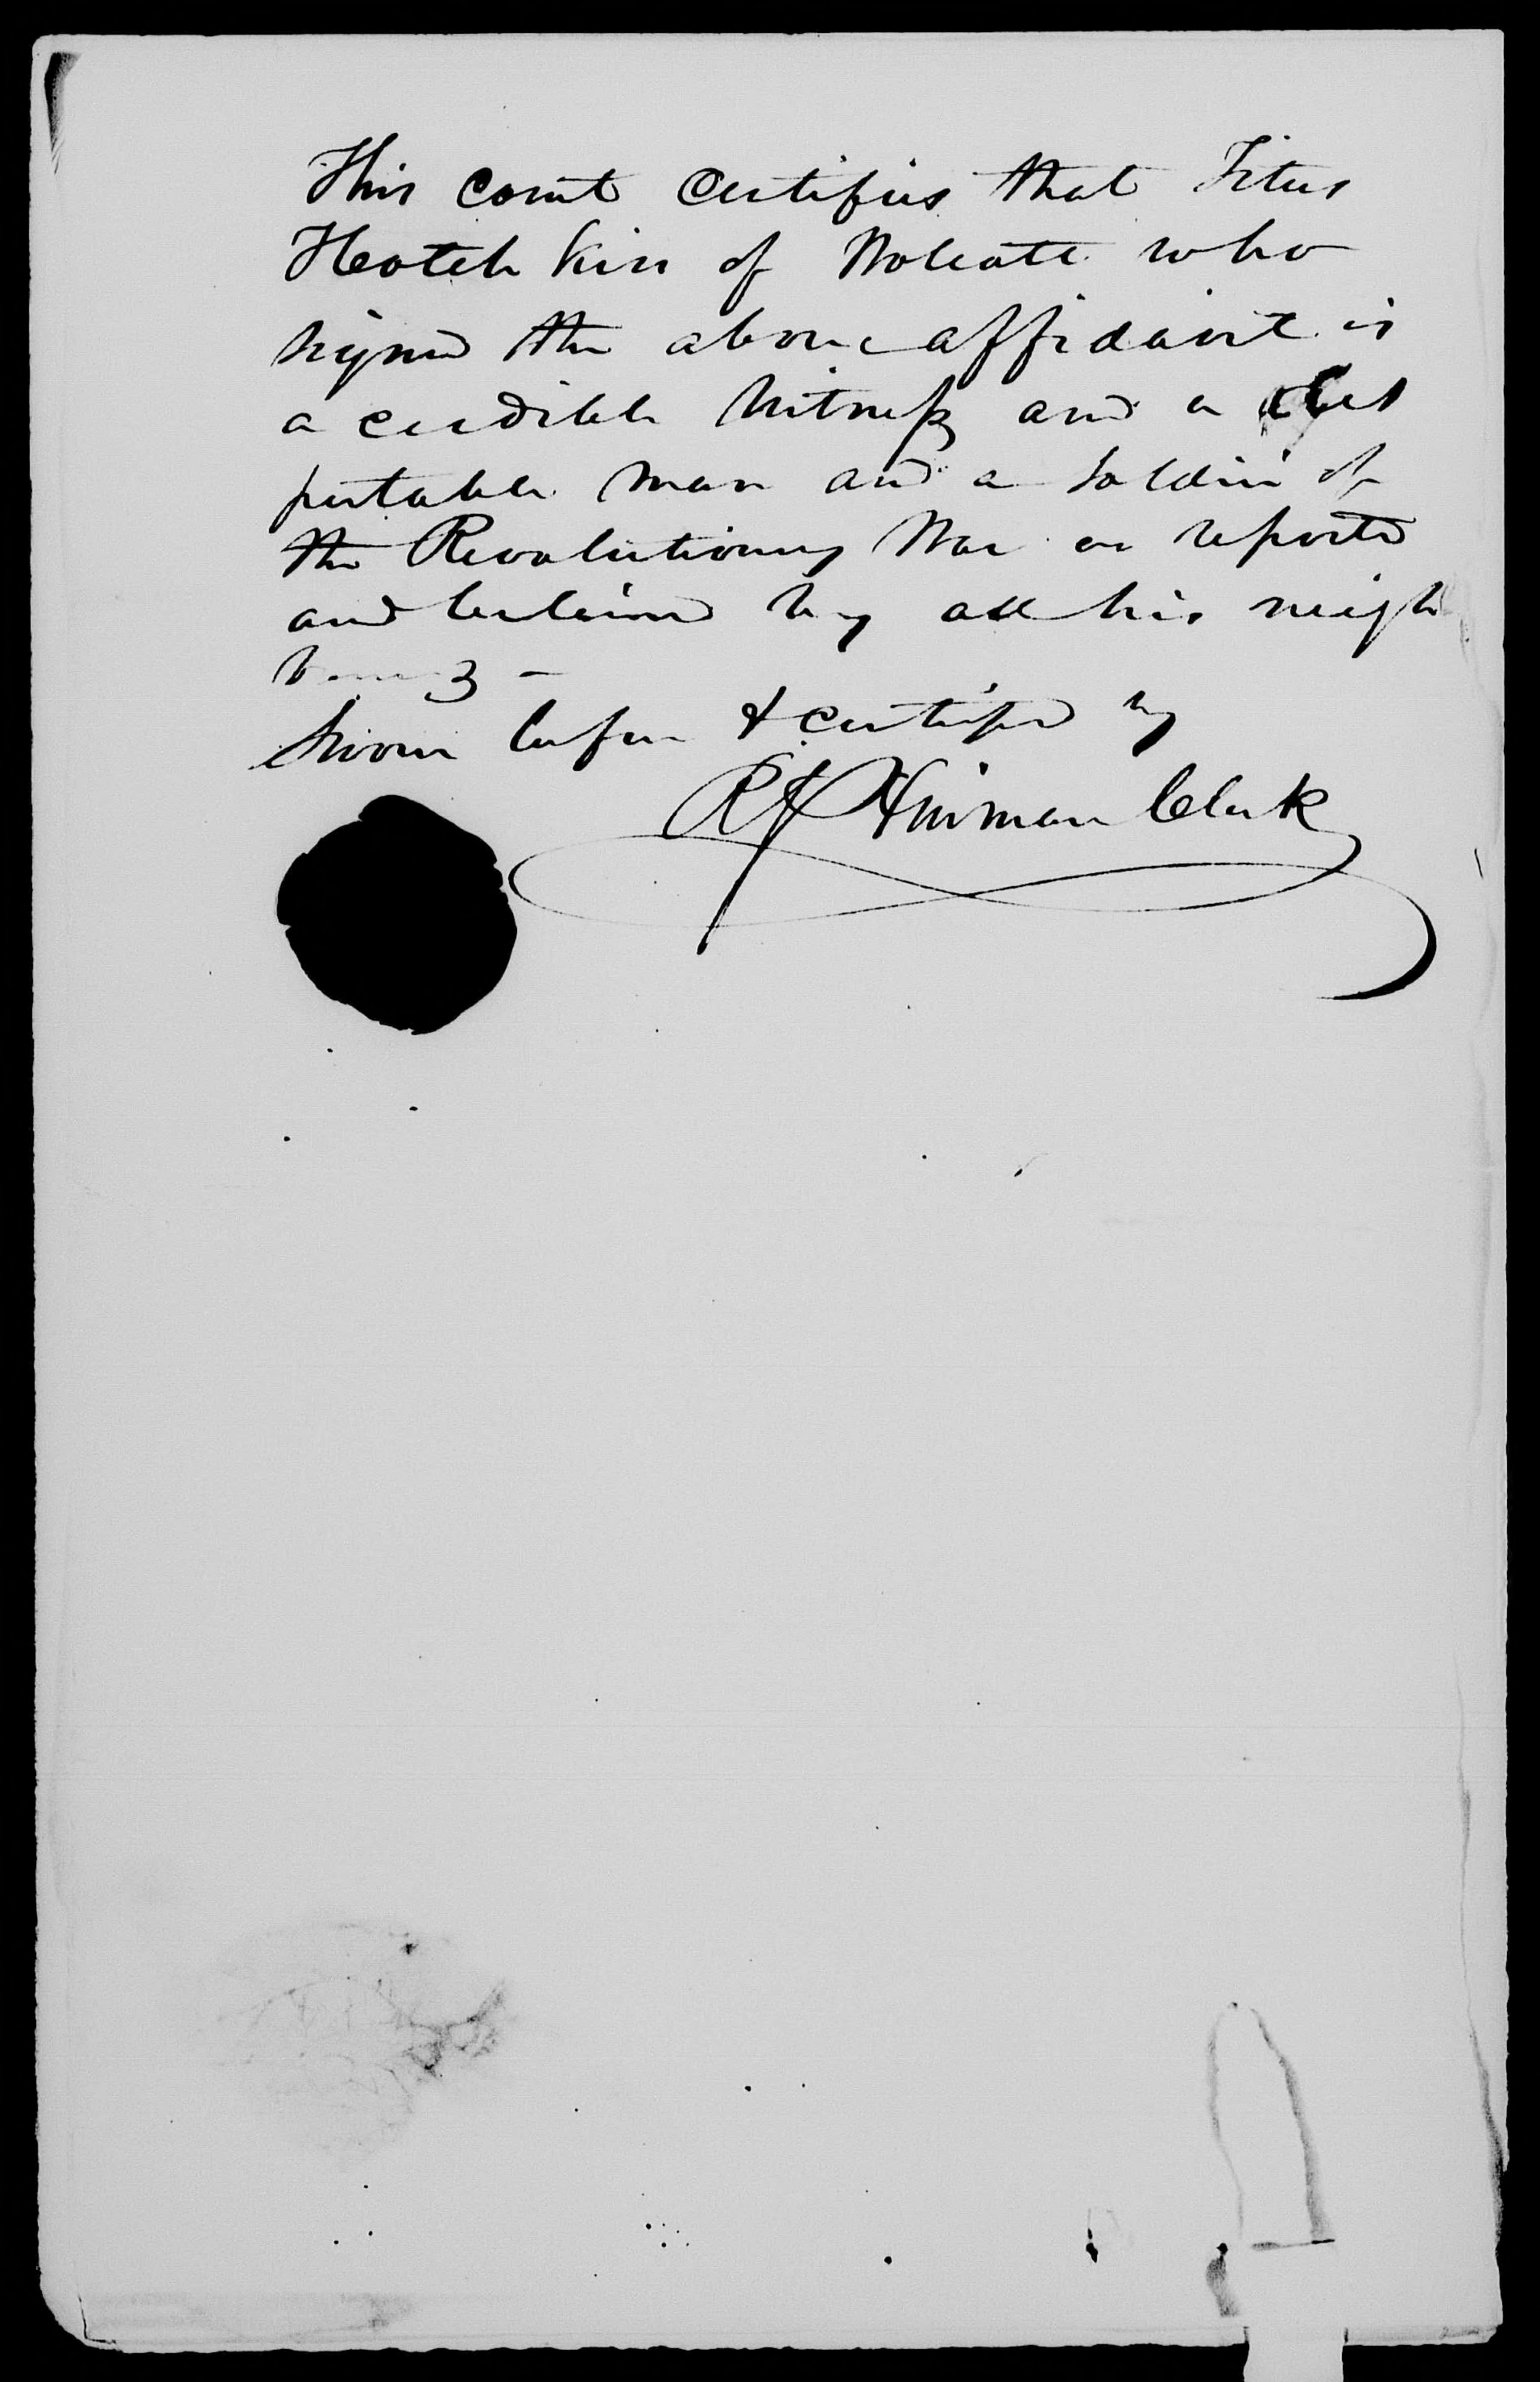This Court certifies that Titus Hotchkin of Wolcott who signed the above affidavit is a credible witness and a reputable man and a soldier of the Revolutionary War is report and believed by all his neighbors - 
Sworn before & certified by
R.S. Hinman Clerk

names: Titus Hotchkin, R S Hinman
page: 15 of 45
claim: survivor's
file: S. 15748, Elihu Benham, Conn.